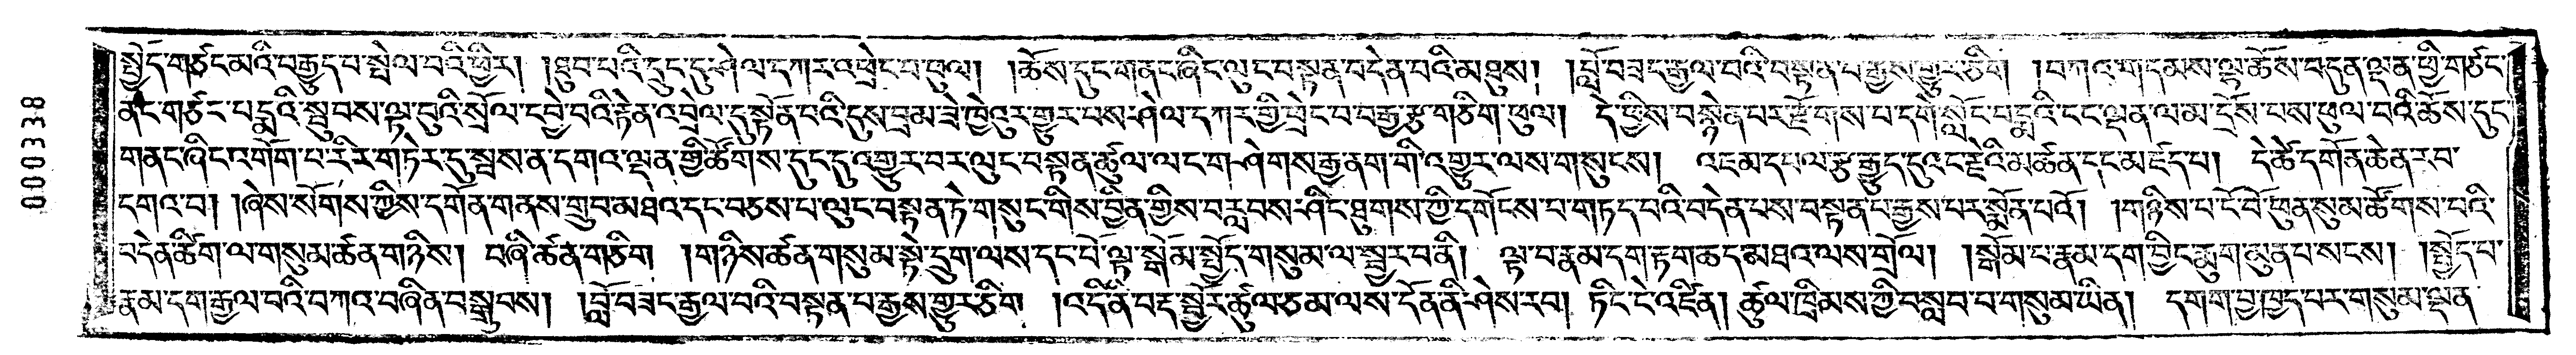སྤྱོད་གཙང་མའི་བརྒྱུད་པ་སྤེལ་བའི་ཕྱིར། །ཐུབ་པའི་དྲུང་དུ་ཤེལ་དཀར་འཕྲེང་བ་ཕུལ། །ཆོས་དུང་གནང་ཞིང་ལུང་བསྟན་བདེན་པའི་མཐུས། །བློ་བཟང་རྒྱལ་བའི་བསྟན་པ་རྒྱས་གྱུར་ཅིག །བཀའ་གདམས་ལྷ་ཆོས་བདུན་ལྡན་གྱི་གཙང་
ནང་གཙང་པདམའི་སྦུབས་ལྟ་བུའི་སྲོལ་དབྱེ་བའི་རྟེན་འབྲེལ་དུ་སྟོན་བའི་དུས་བྲམ་ཟེ་ཁྱེའུར་གྱུར་པས་ཤེལ་དཀར་གྱི་ཕྲེང་བ་བརྒྱ་རྩ་གཅིག་ཕུལ། དེ་ཕྱིས་བསྙེན་པར་རྫོགས་པ་དགེ་སློང་པདམའི་ངང་ལྡན་ལ་མ་དྲོས་བས་ཕུལ་བའི་ཆོས་དུང་
གནང་ཞིང་འགོག་པ་རིར་གཏེར་དུ་སྦས་ན་དགའ་ལྡན་གྱི་ཚོགས་དུང་དུ་འགྱུར་བར་ལུང་བསྟན་ཚུལ་ལང་གཤེགས་རྒྱ་ནག་གི་འགྱུར་ལས་གསུངས། འཇམ་དཔལ་རྩ་རྒྱུད་དུའང་རྗེའི་མཚན་དང་མཛད་པ། དེ་ཚེ་དགོན་ཆེན་རབ་
དགའ་བ། །ཞེས་སོགས་ཀྱིས་དགོན་གནས་གྲུབ་མཐའ་དང་བཅས་པ་ལུང་བསྟན་ཏེ་གསུང་གིས་བྱིན་གྱིས་བརླབས་ཤིང་ཐུགས་ཀྱི་དགོངས་པ་གཏད་པའི་བདེན་པས་བསྟན་པ་རྒྱས་པར་སྨོན་པའོ། །གཉིས་པ་ངོ་བོ་ཕུན་སུམ་ཚོགས་པའི་
བདེན་ཚིག་ལ་གསུམ་མཚན་གཉིས། བཞི་ཚན་གཅིག །གཉིས་ཚན་གསུམ་སྟེ་དྲུག་ལས་དང་པོ་ལྟ་སྒོམ་སྤྱོད་གསུམ་ལ་སྦྱར་བ་ནི། ལྟ་བ་རྣམ་དག་རྟག་ཆད་མཐའ་ལས་གྲོལ། །སྒོམ་པ་རྣམ་དག་བྱིང་རྨུག་མུན་པ་སངས། །སྤྱོད་པ་
རྣམ་དག་རྒྱལ་བའི་བཀའ་བཞིན་བསྒྲུབས། །བློ་བཟང་རྒྱལ་བའི་བསྟན་པ་རྒྱས་གྱུར་ཅིག །འདི་ནི་བརྡ་སྦྱོར་ཚུལ་ཙམ་ལས་དོན་ནི་ཤེས་རབ། ཏིང་ངེ་འཛིན། ཚུལ་ཁྲིམས་ཀྱི་བསླབ་པ་གསུམ་ཡིན། དགག་བྱ་ཁྱད་པར་གསུམ་ལྡན་